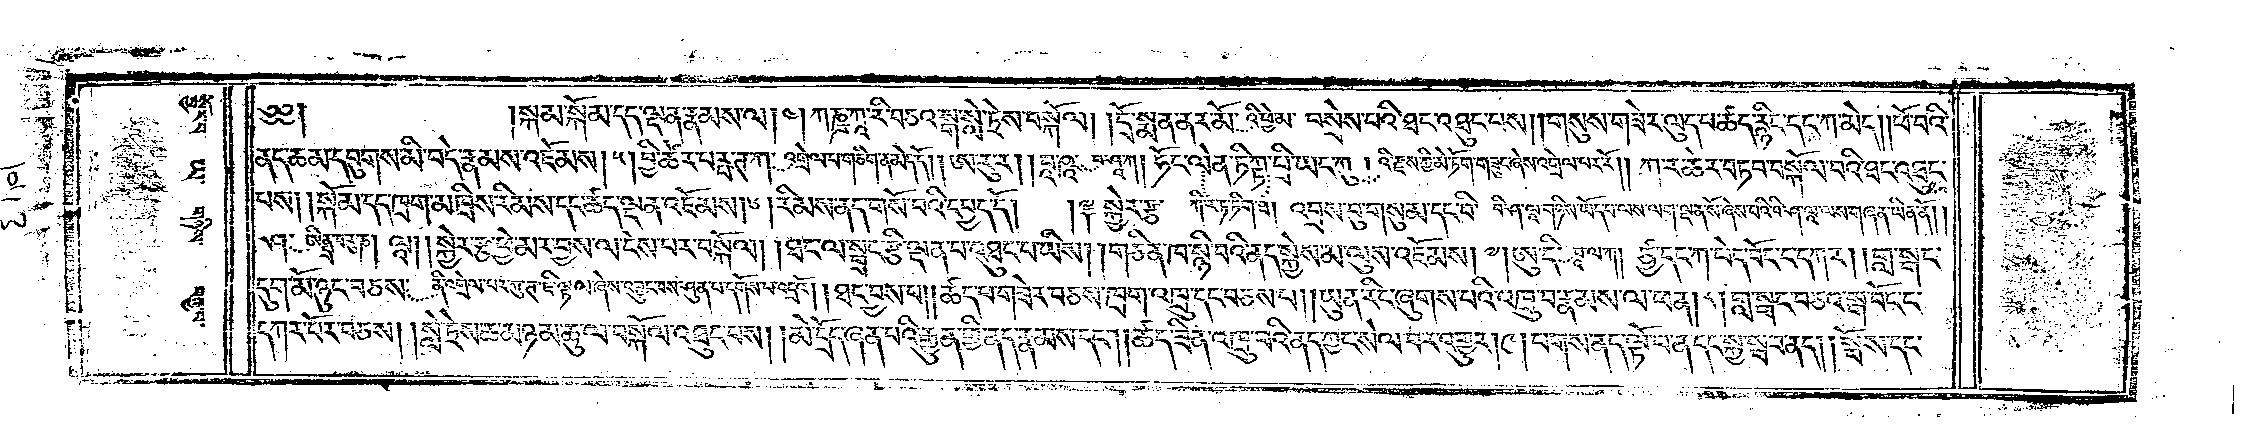༄༅། །སྐམ་སྐོམ་དད་ལྡན་རྣམས་ལ། ༤་།ཀཎྜ་ཀཱ་རི་བཅའ་སྒ་སླེ་ཏྲེས་བསྐོལ། །དྲོ་སྨན་ནར་མོའི་ཕྱེ་མ་བསྲེས་པའི་ཐང་འཐུང་པས། །གསུས་གཟེར་ལུད་པ་ཚད་རྙིང་དང་ཀ་མེད། །ཕོ་བའི་
ནད་ཆམ་དབུགས་མི་བདེ་རྣམས་འཇོམས། ༥་།བྱི་ཚེར་པརྤ་ཊ་ཀ་འགྲེལ་པ་གཅིག་ན་མེད་དོ། །ཨ་རུ་ར། །བཱ་ཥཱ་བ་ཤཱ་ཀ། ཧོང་ལེན་ཏིཀྟ་པྲི་ཡང་ཀུ །འི་རྫས་ཀྱི་མེ་ཏོག་གཟུང་ཞེས་འགྲེལ་པར་རོ། །ཀ་ར་ཆེར་བཏབ་བསྐོལ་བའི་ཐང་འཐུང་
པས། །སྐོམ་དད་ཁྲག་མཁྲིས་རིམས་དང་ཚད་ལྡན་འཇོམས། ༦་།རིམས་ནད་གསོ་བའི་དཔྱད་དོ། ། ༈ སྐྱེར་རྩ་ཀི་ར་ཏ་ཏིག་ཐ། འབྲས་བུ་གསུམ་དང་བི་བི་ཤ་ལཱ་གཉིས་ཡོད་པ་ལས་ལག་ལྡན་སོ་ཞེས་པའི་བི་ཤ་ལཱ་ལས་གཞན་ཡིན་ནོ། །
ཤ་ཨིནྡྲ་བ་རུ་ཎ། ལཱ། །སྐྱེར་རྩ་ཕྱེ་མར་བྱས་ལ་ངེས་པར་བསྐོལ། །ཐང་ལ་སྦྲང་རྩི་ལྡན་པ་འཐུང་པ་ཡིས། །གཅིན་ཁ་སྙི་བའི་ནད་སྐྱེས་མ་ལུས་འཇོམས། ༧་།ཨུ་དི་བཱ་ལ་ཀ། ཙྱ་དང་ཀ་པེད་བོང་ང་དཀར། །གླ་སྒང་
དུག་མོ་ཉུང་བཅས་ནི་འགྲེལ་པར་ཀུ་ཊ་ཇི་ལྟལ་ཞེས་འབྱུང་བས་ཤུན་པ་དགོས་པ་འདྲའོ། །ཐང་བྱས་པ། །ཚད་པ་གཟེར་བཅས་ཁྲག་འཁྲུ་དང་བཅས་པ། །ཡུན་རིང་ཞུགས་པའི་འཁྲུ་བ་རྣམས་ལ་ཕན། ༨་།གླ་སྒང་བཅའ་སྒ་བོང་ང་
དཀར་པོར་བཅས། །སླེ་ཏྲེས་ཆ་མཉམ་ཆུ་ལ་བསྐོལ་འཐུང་པས། །མེ་དྲོད་ཞན་པའི་རྒྱུན་གྱི་ནད་རྣམས་དང་། །ཚད་ཟིན་འཁྲུ་བའི་ནད་ཀྱང་སེལ་བར་འགྱུར། ༩་།པགས་ནད་ལྟོ་བ་ན་དང་སྐྱ་སྦབ་ནད། །སྤོས་དང་